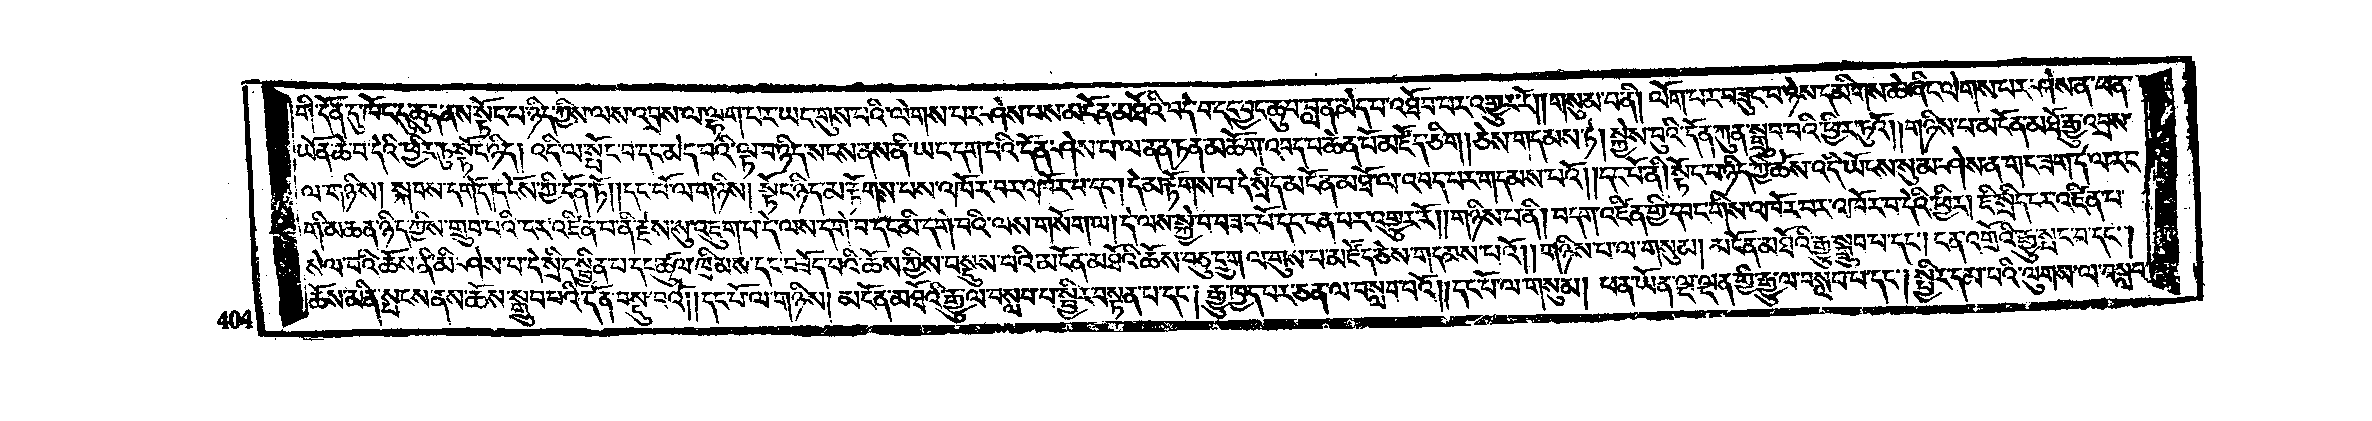གི་དོན་དུ་ཁོང་དུ་ཆུད་ནས་སྟོང་པ་ཉིད་ཀྱིས་ལས་འབྲས་ལ་ལྷག་པར་ཡང་གུས་པའི་ལེགས་པར་ཤེས་པས་མངོན་མཐོའི་བདེ་བ་དང་བྱང་ཆུབ་བླ་ན་མེད་པ་འཐོབ་པར་འགྱུར་རོ། །གསུམ་པ་ནི། ལོག་པར་བཟུང་བ་ཉེས་དམིགས་ཆེ་ཞིང་ལེགས་པར་ཤེས་ན་ཕན་
ཡོན་ཆེ་བ་དེའི་ཕྱིར་ཏུ་སྟོང་ཉིད། འདི་ལ་སྤོང་བ་དང་མེད་པའི་ལྟ་བ་ཉིད་སངས་ནས་ནི་ཡང་དག་པའི་དོན་ཤེས་པ་ལ་ནན་ཏན་མཆོག་འབད་པ་ཆེན་པོ་མཛོད་ཅིག །ཅེས་གདམས་ཏེ། སྐྱེས་བུའི་དོན་ཀུན་སྒྲུབ་པའི་ཕྱིར་ཏུའོ། །གཉིས་པ་མངོན་མཐོ་རྒྱུ་འབྲས་
ལ་གཉིས། སྐབས་དགོད། དངོས་ཀྱི་དོན་ཏོ། །དང་པོ་ལ་གཉིས། སྟོང་ཉིད་མ་རྟོགས་པས་འཁོར་བར་འཁོར་བ་དང་། དེ་མ་རྟོགས་པ་དེ་སྲིད་མངོན་མཐོ་ལ་འབད་པར་གདམས་པའོ། །དང་པོ་ནི། སྟོང་པ་ཉིད་ཀྱི་ཆོས་འདི་ཡོངས་སུ་མ་ཤེས་ན་གང་ཟག་དེ་ལ་རང་
གི་མཚན་ཉིད་ཀྱིས་གྲུབ་པའི་ངར་འཛིན་པ་ནི་རྗེས་སུ་འཇུག་པ་དེ་ལས་དགེ་བ་དང་མི་དགེ་བའི་ལས་གསོག་ལ། དེ་ལས་སྐྱེ་བ་བཟང་པོ་དང་ངན་པར་འགྱུར་རོ། །གཉིས་པ་ནི། བདག་འཛིན་གྱི་དབང་གིས་འཁོར་བར་འཁོར་བ་དེའི་ཕྱིར། ཇི་སྲིད་ངར་འཛིན་པ་
སེལ་བའི་ཆོས་ནི་མི་ཤེས་པ་དེ་སྲིད་སྦྱིན་པ་དང་ཚུལ་ཁྲིམས་དང་བཟོད་པའི་ཆོས་ཀྱིས་བསྡུས་པའི་མངོན་མཐོའི་ཆོས་བཅུ་དྲུག་ལ་གུས་པ་མཛོད་ཅེས་གདམས་པའོ། །གཉིས་པ་ལ་གསུམ། མངོན་མཐོའི་རྒྱུ་སྒྲུབ་པ་དང་། ངན་འགྲོའི་རྒྱུ་སྤང་བ་དང་།
ཆོས་མིན་སྤངས་ནས་ཆོས་སྒྲུབ་པའི་དོན་བསྡུ་བའོ། །དང་པོ་ལ་གཉིས། མངོན་མཐོའི་རྒྱུ་ལ་བསླབ་པ་སྤྱིར་བསྟན་པ་དང་། རྒྱུ་ཁྱད་པར་ཅན་ལ་བསླབ་པའོ། །དང་པོ་ལ་གསུམ། ཕན་ཡོན་ལྔ་ལྡན་གྱི་རྒྱུ་ལ་བསླབ་པ་དང་། སྤྱིར་དམ་པའི་ལུགས་ལ་བསླབ་